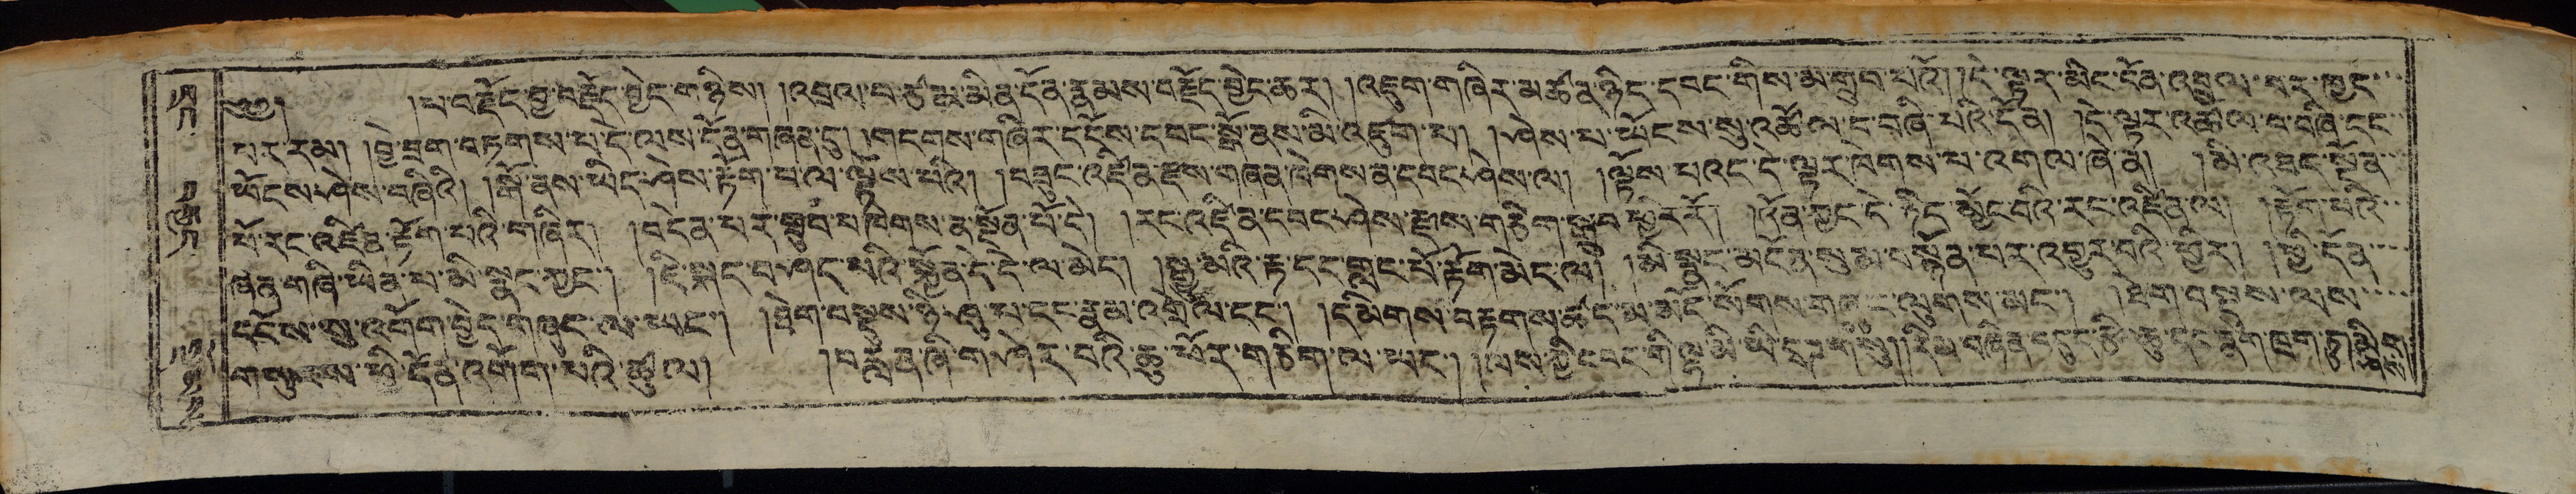༄༅། །པ་བརྗོད་བྱ་བརྗོད་བྱེད་གཉིས། །འབྲལ་འབྲེལ་བ་ཙམ་མིན་དོན་རྣམས་བརྗོད་བྱེད་ཆར། །འཇུག་གཞིར་མཚན་ཉིད་དབང་གིས་མ་གྲུབ་པའོ། །དེ་ལྟར་མིང་དོན་འབྲལ་འབྲེལ་བར་ཁྱད་
པར་རམ། །བྱེ་བྲག་བཏགས་པ་དེ་ལས་དོན་གཞན་དུ། །གདགས་གཞིར་དངོས་དབང་སྒོ་ནས་མི་འཇུག་པ། །ཤེས་པ་ཡོངས་སུ་འཚོལ་བ་བཞི་པའི་དོན། །དེ་ལྟར་འཚོལ་བ་བཞི་དང་
ཡོངས་ཤེས་བཞིའི། །སྒོ་ནས་ཡིད་ཤེས་རྟོག་པ་ལ་ལྟོས་པའི། །བཟུང་འཛིན་རྫས་གཞན་ཁེགས་ན་དབང་ཤེས་ལ། །ལྟོས་པའང་དེ་ལྟར་ཁེགས་པ་འགལ་ཞེ་ན། །མི་འཐད་སྔོན་
པོ་རང་འཛིན་རྟོག་པའི་གཞིར། །བདེན་པར་གྲུབ་པ་ཁེགས་ན་སྔོན་པོ་དེ། །རང་འཛིན་དབང་ཤེས་རྫས་གཅིག་སྒྲུབ་ཕྱིར་རོ། །འོན་ཀྱང་དེ་ཉིད་མྱོང་བའི་རང་འཛིན་ལ། །རྟོག་པའི་
ཞེན་གཞི་ཡིན་པ་མི་སྣང་ཀྱང་། །ཇི་སྐད་བཤད་པའི་སྐྱོན་དེ་དེ་ལ་མེད། །སྒྱུ་མའི་རྟ་དང་གླང་པོ་རྟོག་མེད་ལ། །མི་སྣང་མངོན་སུམ་བསྙོན་པར་འགྱུར་བའི་ཕྱིར། །ཕྱི་དོན་
དངོས་སུ་འགོག་བྱེད་གཞུང་ལ་ཡང་། །ཐེག་བསྡུས་ཉི་ཤུ་པ་དང་རྣམ་འགྲེལ་དང་། །དམིགས་བརྟགས་ཚད་མ་མདོ་སོགས་གཞུང་ལུགས་མང་། །ཐེག་བསྡུས་ལས་
གསུངས་ཕྱི་དོན་འགག་པའི་ཚུལ། །བརླན་ཞི་ཞིང་གཤེར་བའི་ཆུ་ཕོར་གཅིག་ལ་ཡང་། །ལས་ཀྱི་དབང་གི་གིས་ལྷ་མི་ཡི་དྭགས་གསུམ། །རིམ་བཞིན་བདུད་རྩི་ཆུ་དང་རྣག་ཁྲག་ཏུ། དམིག་དམིགས་ནས་